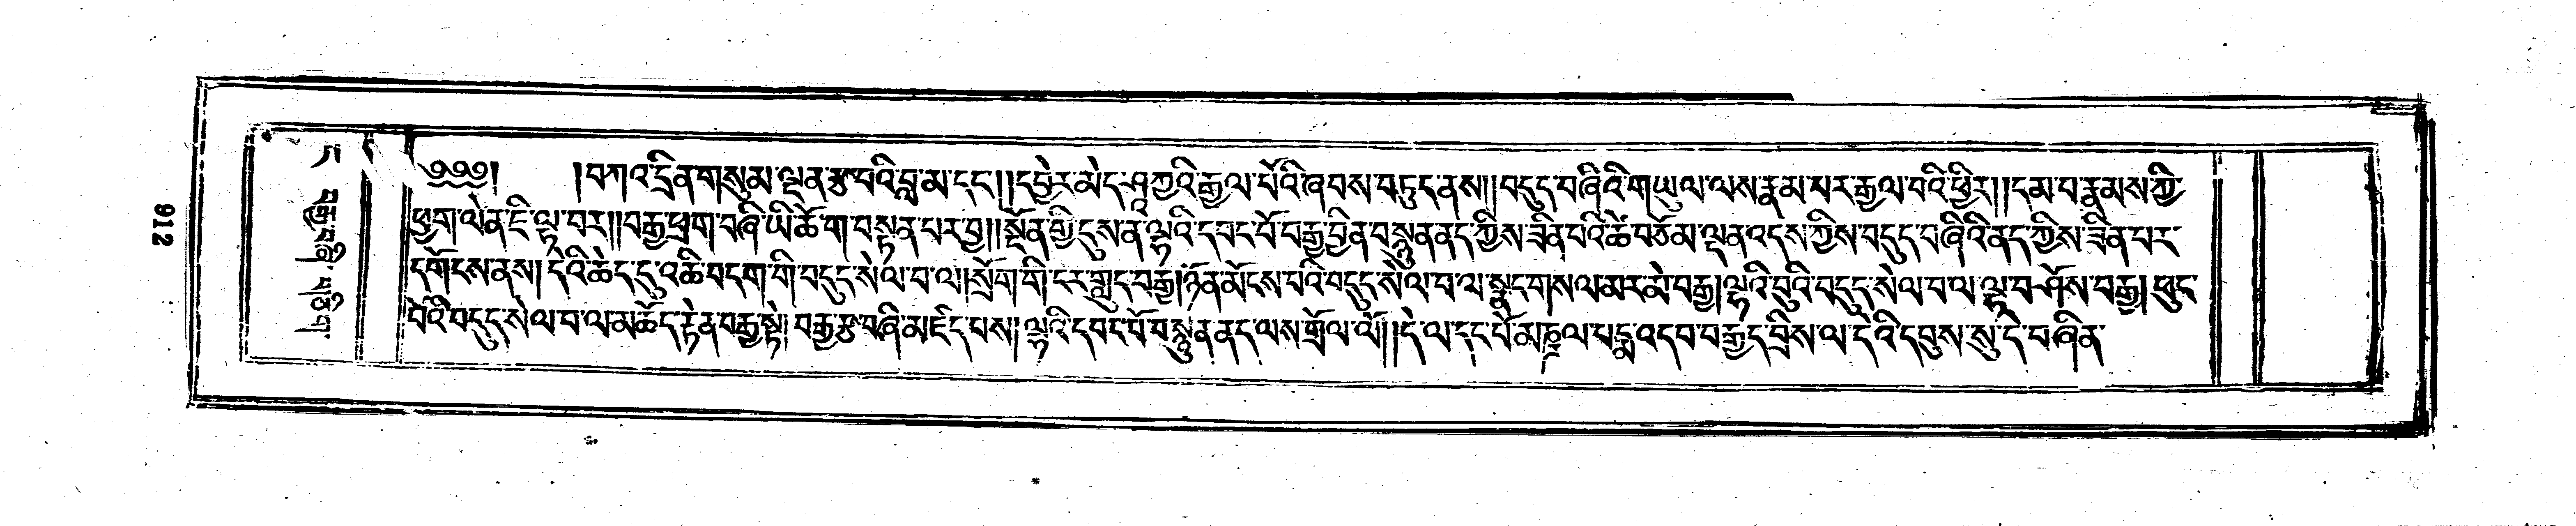༄༅༅། །བཀའ་དྲིན་གསུམ་ལྡན་རྩ་བའི་བླ་མ་དང་། །དབྱེར་མེད་ཤཱཀྱའི་རྒྱལ་པོའི་ཞབས་བཏུད་ནས། །བདུད་བཞིའི་གཡུལ་ལས་རྣམ་པར་རྒྱལ་བའི་ཕྱིར། །དམ་པ་རྣམས་ཀྱི་
ཕྱག་ལེན་ཇི་ལྟ་བར། །བརྒྱ་ཕྲག་བཞི་ཡི་ཆོ་ག་བསྟན་པར་བྱ། །སྔོན་གྱི་དུས་ན་ལྷའི་དབང་པོ་བརྒྱ་བྱིན་བསྙུན་ནད་ཀྱིས་ཟིན་པའི་ཚེ་བཅོམ་ལྡན་འདས་ཀྱིས་བདུད་བཞིའི་ནད་ཀྱིས་ཟིན་པར་
དགོངས་ནས། དེའི་ཆེད་དུ་འཆི་བདག་གི་བདུད་སེལ་བ་ལ། སྲོག་གི་ངར་གླུད་བརྒྱ། ཉོན་མོངས་པའི་བདུད་སེལ་བ་ལ་སྣང་གསལ་མར་མེ་བརྒྱ། ལྷའི་བུའི་བདུད་སེལ་བ་ལ་ལྷ་བཤོས་བརྒྱ། ཕུང་
པོའི་བདུད་སེལ་བ་ལ་མཆོད་རྟེན་བརྒྱ་སྟེ། བརྒྱ་རྩ་བཞི་མཛད་པས། ལྷའི་དབང་པོ་བསྙུན་ནད་ལས་གྲོལ་ལོ། །དེ་ལ་དང་པོ་མཎྜལ་པདམ་འདབ་བརྒྱད་བྲིས་ལ་དེའི་དབུས་སུ་དེ་བཞིན་